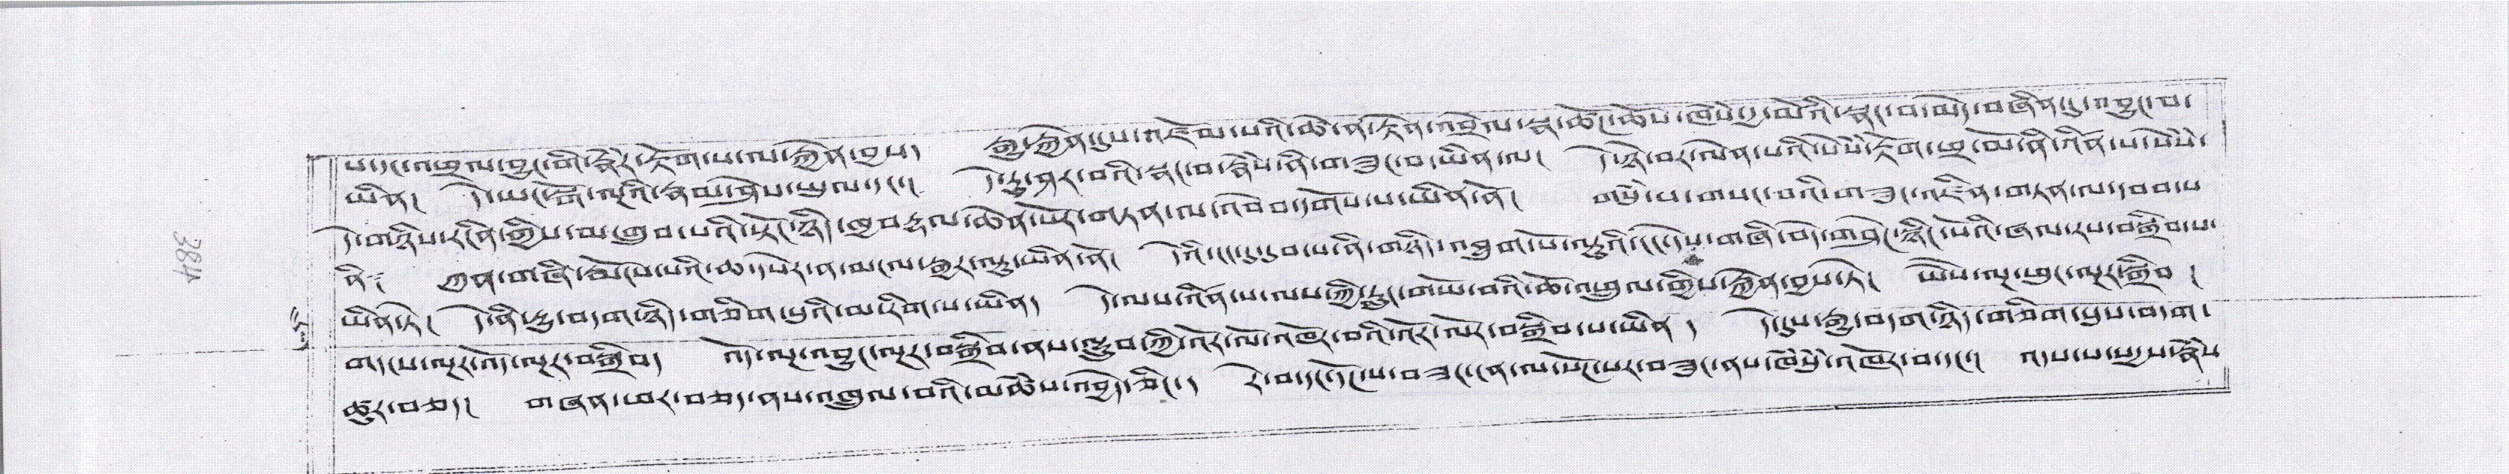པ་དང་འཕྲལ་བྱུང་གི་རྣམ་པར་རྟོག་པ་ལ་རྐྱེན་བྱས། རྒྱུ་རྐྱེན་དུས་འཛོམས་པའི་ཚེ་ན་རྟེན་འབྲེལ་སྣ་ཚོགས་ཆོས་ཁམས་རྒྱ་མཚོའི་སྣང་བ་མེད་བཞིན་དུ་འབྱུང་བ་
ཡིན། དེ་ཡང་སྒོ་ལྔའི་རྣམ་ཤེས་ཡུལ་དང་། དེ་རུ་ཤར་བའི་སྣང་བ་རྣམས་ནི་གཟུང་བ་ཡིན་ལ། དེ་ཉེ་བར་ལེན་པའི་སེམས་རྟོག་ཕྲ་མོ་ནི་འཛིན་པ་སེམས། 
དེ་གཉིས་རང་བཞིན་གྱི་མ་གྲུབ་པའི་སྟོང་ཉིད་ཁྱབ་བདལ་ཆེན་པོར་གཏན་ལ་འབེབས་དགོས་པ་ཡིན་ནོ།། གསུམ་པ་གསང་བའི་གཟུང་འཛིན་གཏན་ལ་དབབ་པ་
ནི། ཀུན་གཞི་རྨོངས་པའི་ཆ་མངལ་རྒྱ་ལྟ་བུ་ཡིན་ནོ། དེའི་ངང་དུ་དུབ་པ་ནི་གཉིད་མཐུག་པོ་ལྟ་བུའི་ངང་དེས་གཞི་བདེར་གཤེགས་སྙིང་པོའི་ཞལ་རས་བསྒྲིབས་པ་
ཡིན་ཏེ། དེ་ནི་རྒྱུ་བདག་ཉིད་གཅིག་པུའི་མ་རིག་པ་ཡིན། དེ་ལས་འཛིན་པ་ལས་ཀྱི་རླུང་གཡོ་བའི་ཆོ་འཕྲུལ་གྱིས་རྐྱེན་བྱས་ཏེ། ཡེ་ཤེས་ལྔ་ཕུང་ལྔར་བསྒྲིབས། 
གདང་ལྔ་འོད་ལྔར་བསྒྲིབས། ལྷུན་གྲུབ་ཀྱི་འཁོར་ལོ་རོལ་པའི་འཁོར་ལོར་བསྒྲིབས་པ་ཡིན། དེ་དུས་རྒྱུ་བདག་ཉིད་གཅིག་པུས་བདག་
ཚུར་བཅད། གཞན་ཕར་བཅད་ནས་འཁྲུལ་པའི་མཚམས་འབྱེད་ཅིང་། རེ་བ་དང་དྭོགས་པ་བཟང་ངན་ལ་སོགས་པར་བཟུང་ནས་ཁམས་གསུམ་དུ་འཁོར་བ་དང་། འདས་པ་སངས་རྒྱས་རྣམས་